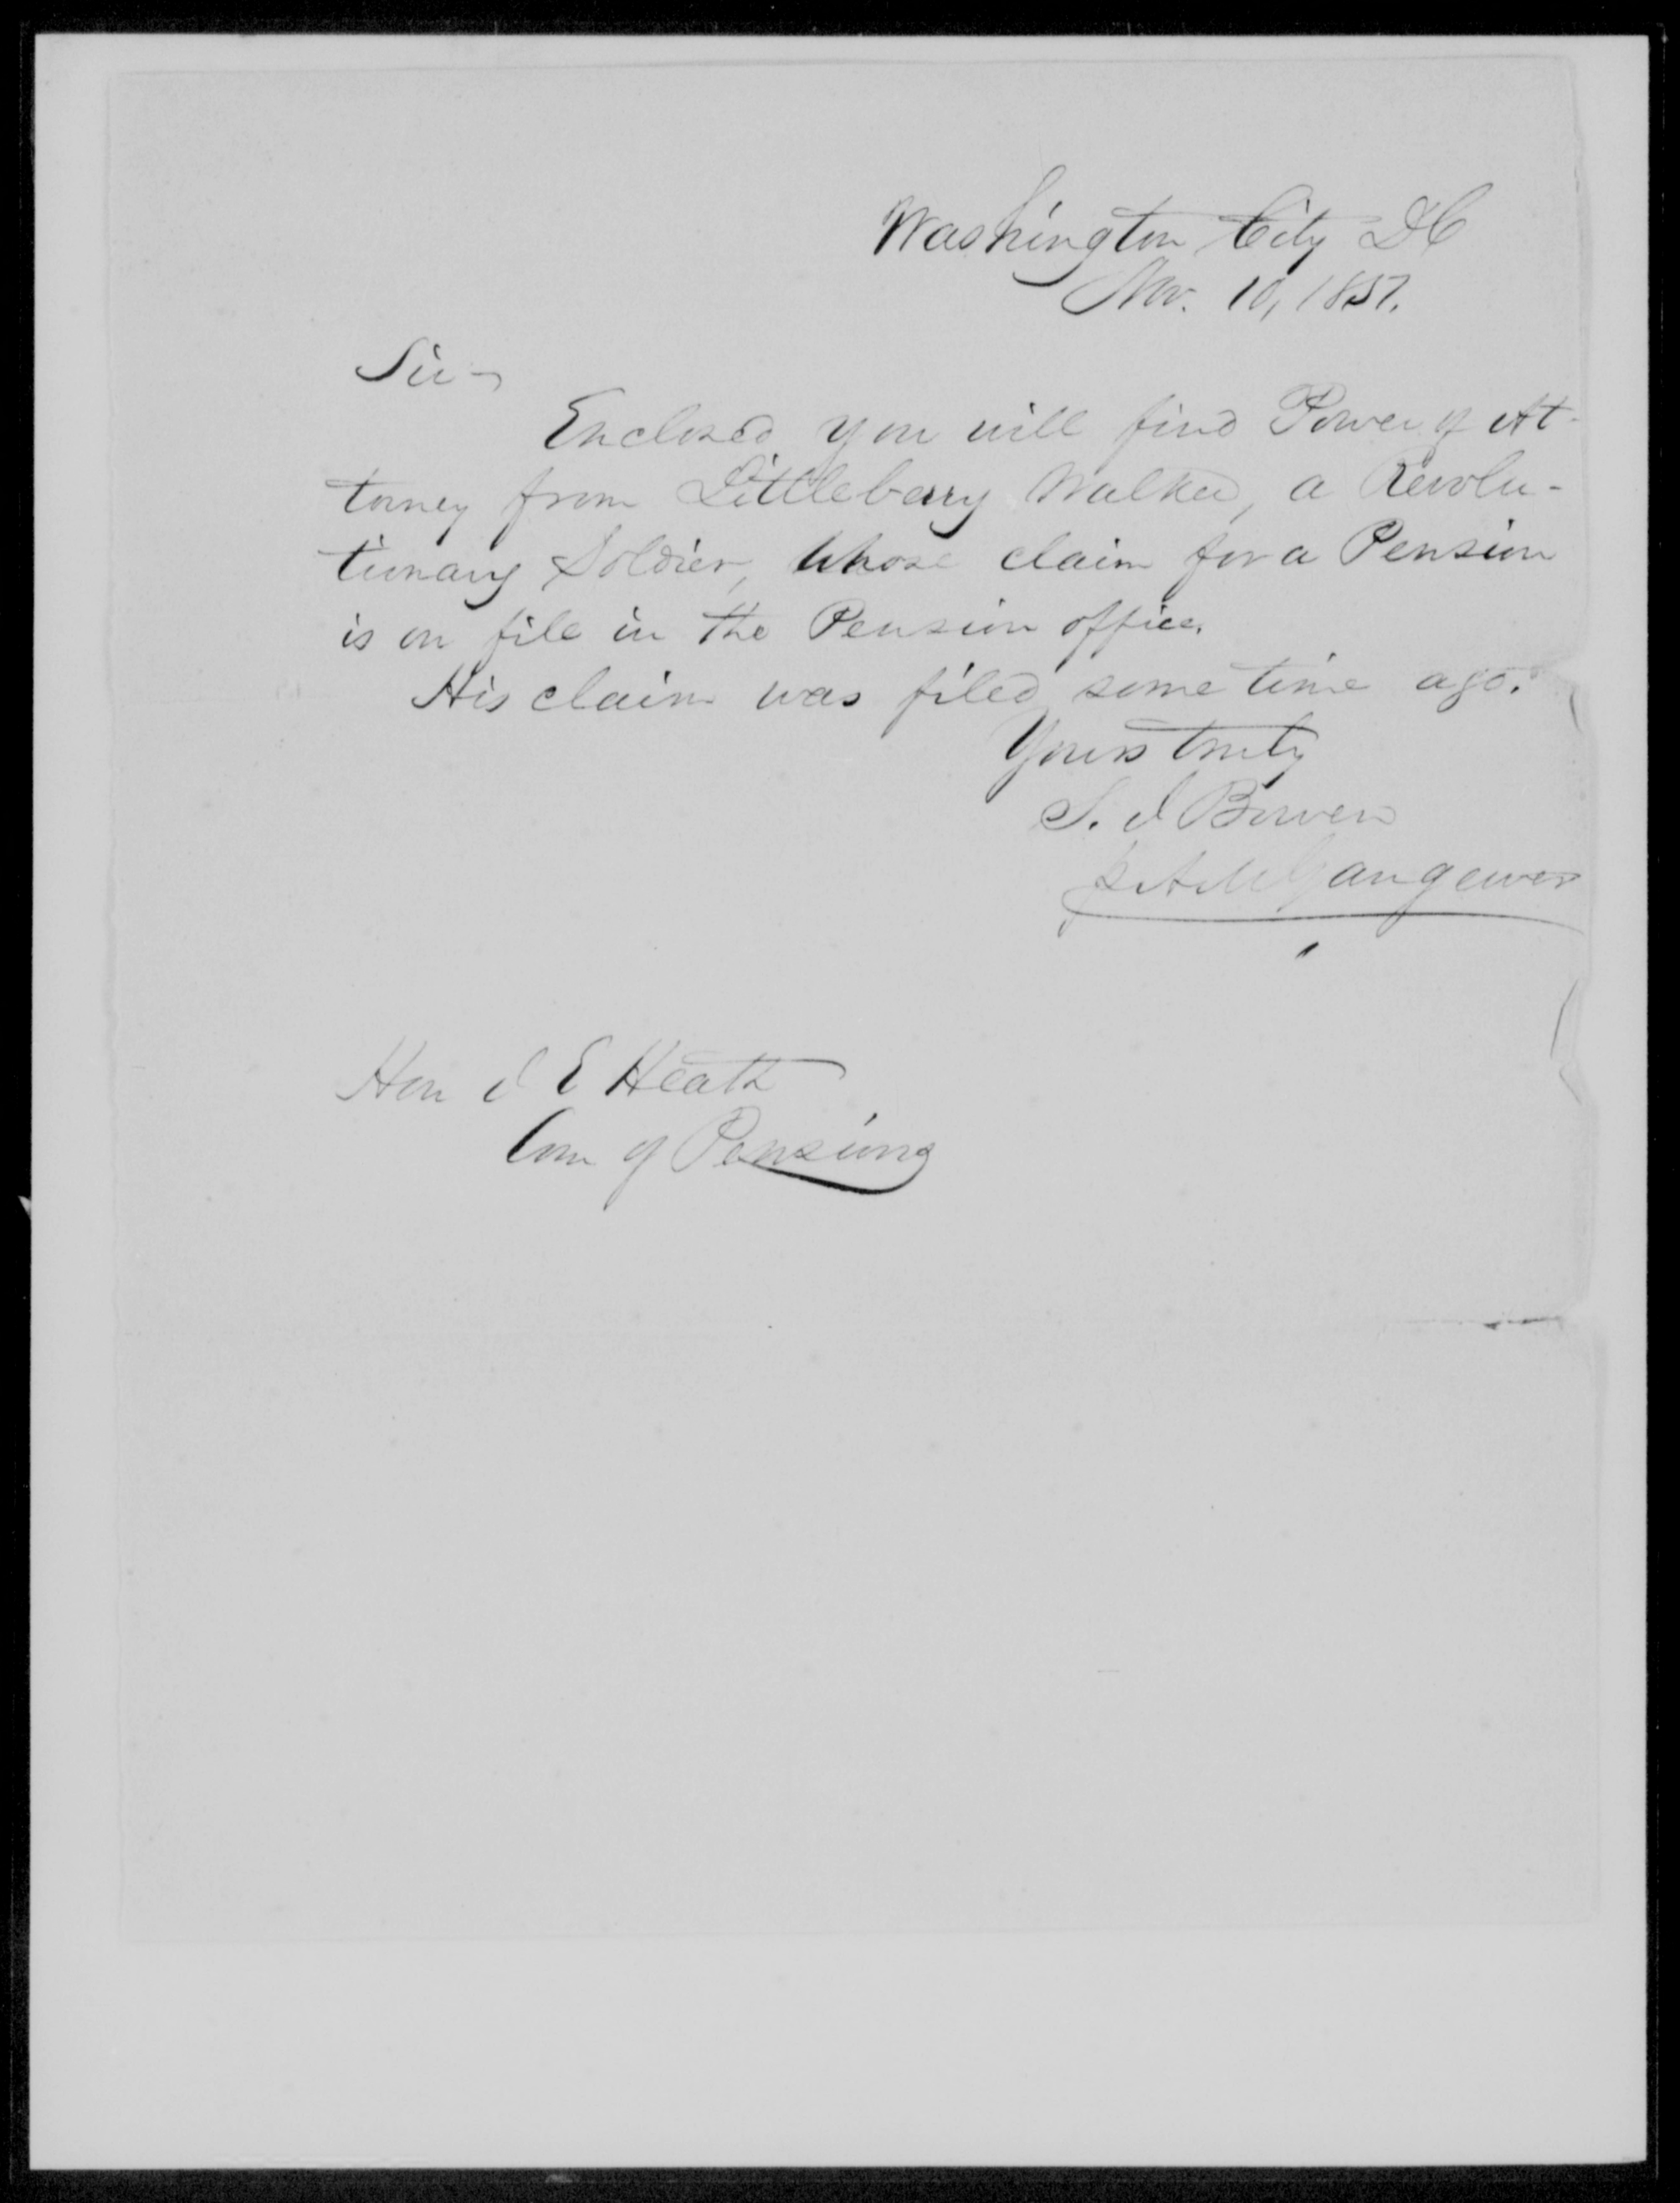Washington City DC
Nov. 10, 1857
Sir
Enclosed you will find Power of Attorney from Littleberry Walker, a Revolutionary Soldier, whose claim for a pension is on file in the Pension offices.
His claim was filed some time ago.
Your truly,
S. Bowers
[???]


Hon. I.E. Heath
Com of Pensions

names: S J Bowen, Littleberry Walker, J E Heath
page: 11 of 15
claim: rejected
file: R. 11045, Littleberry Walker, Ga.